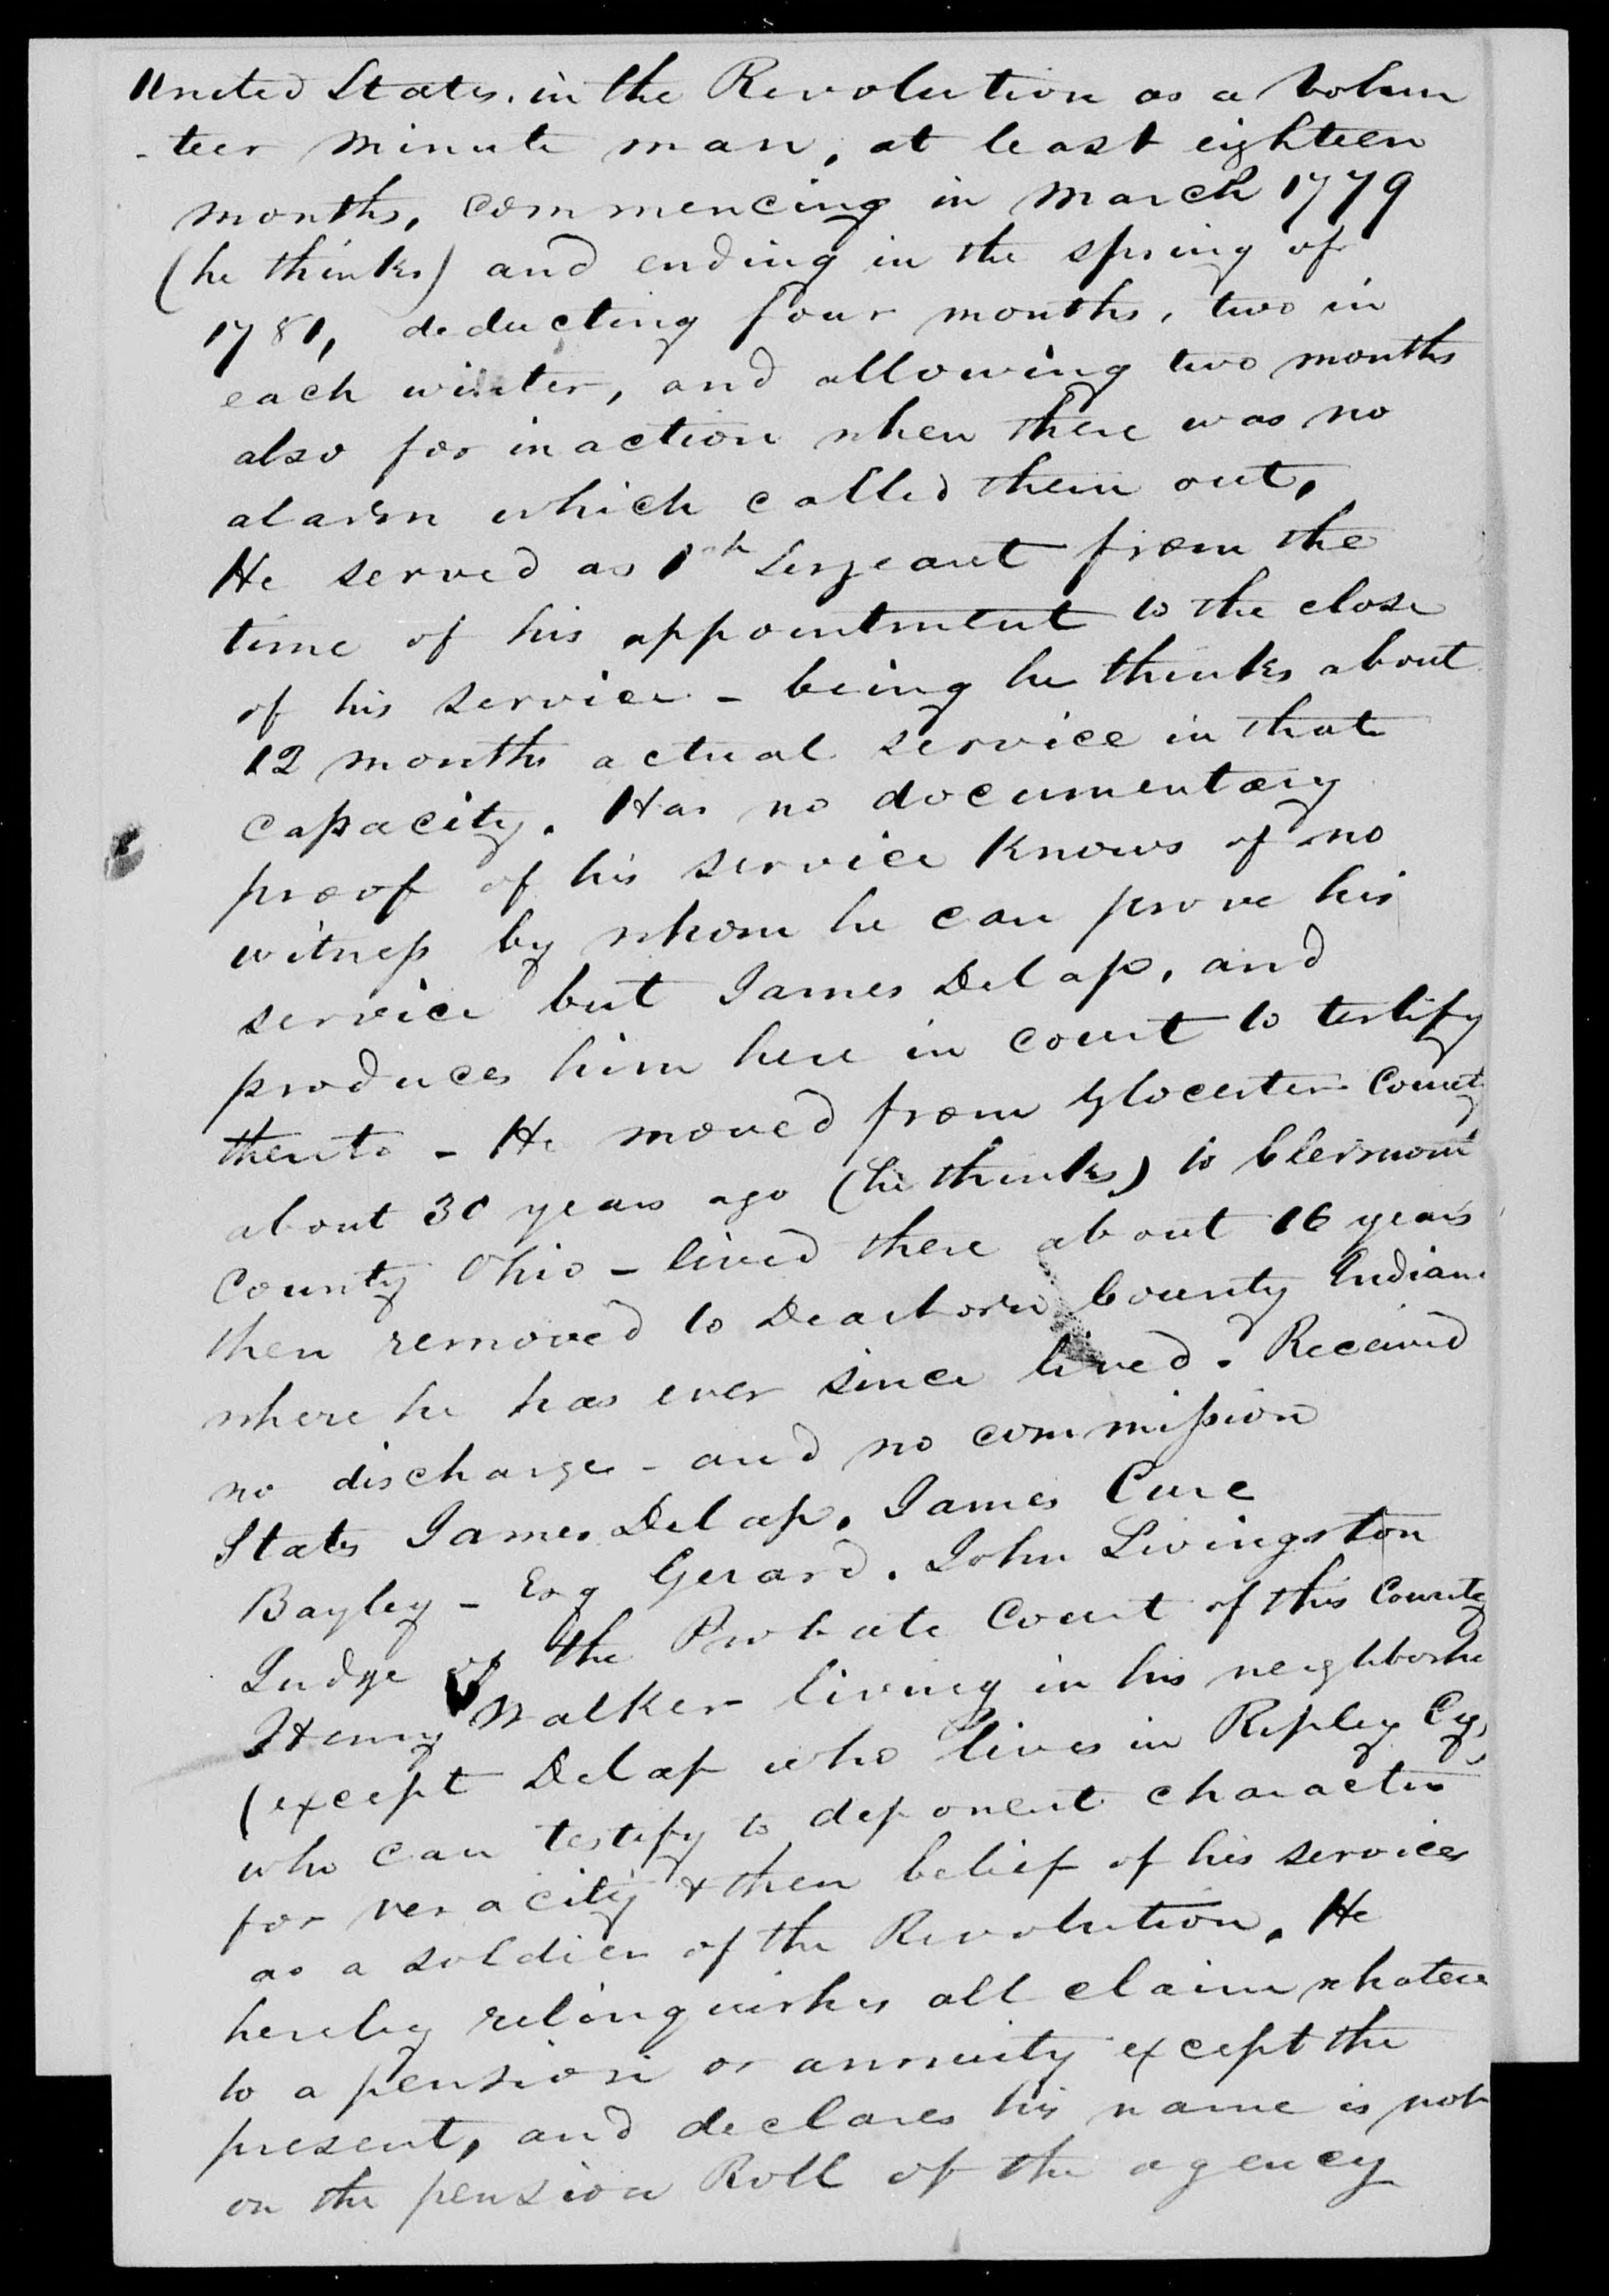United States, in the Revolution as a volunteer minute man, at least eighteen months, commencing in March 1779 (he thinks) and ending in the spring of 1781, deducting four months, two in each winter, and allowing two months also for in action when there was no alarm which called them out. He served as 1st Sergeant from the the time of his appointment to the close of his service being he thinks about 12 months actual service in that capacity. Has no documentary proof of his service knows of no witness by whom he can serve his service but James Delap, and produces him here in court to testify thereto. He moved from Glocertine County about 30 years ago (he thinks) is Clermount County Ohio lived there about 16 years then removed to Dearborn County Indiana where he has ever since lived. Received no discharge and no commission States James Delap, James Cure Bayley Esq Gerard. John Livingston Lundye of the Probate Court of this County Henry Walker living in his neighborhood (except Delap who lives in Ripley Cy) who can testify to deponent character forever a city & then belief of his services as a soldier of the Revolution. He hereby relinguishes all claim whatever to a pension or annuity except the present, and declares his name is not on the pension roll of the agency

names: James Delap; John Livingston; [BLANK] Bayley; James Cure; Henry Walker; [BLANK] Gerard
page: 6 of 38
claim: survivor's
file: S 31817, for James Leeds, New Jersey